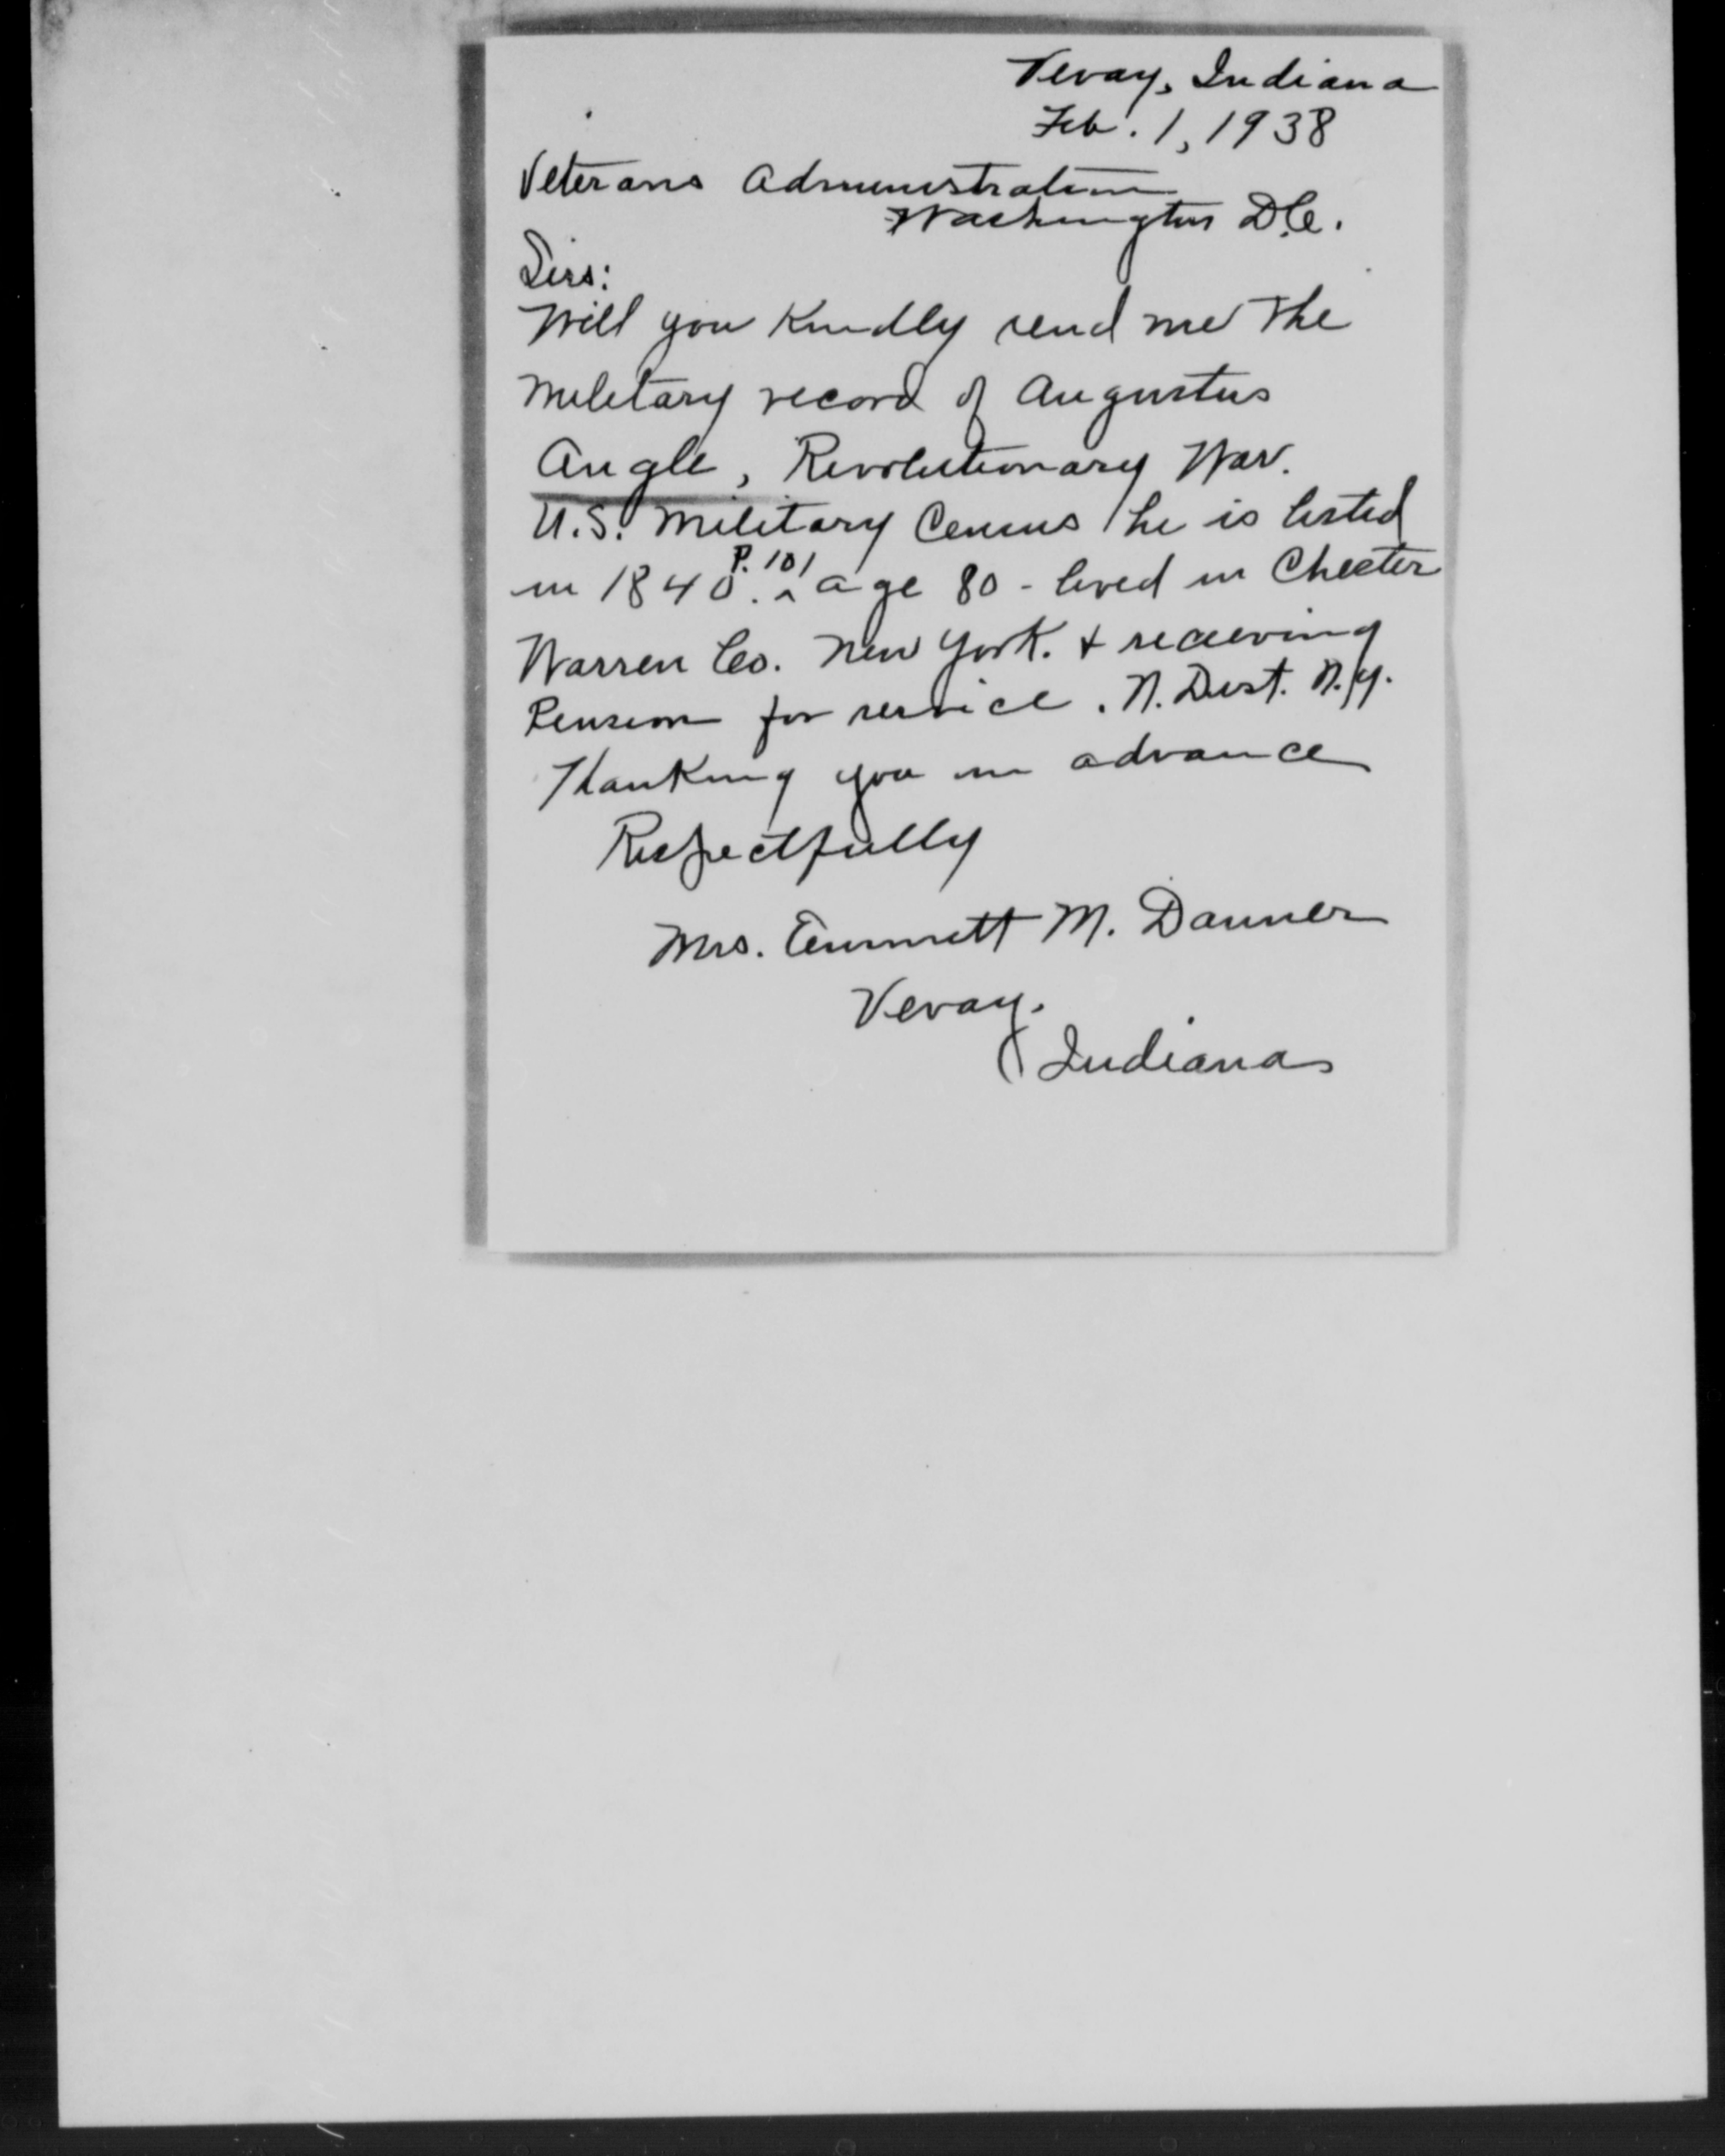Vevay, Indiana
Feb. 1, 1938

Veterans Administration
Washington D.C.

Sirs:

Will you kindly send me the military record of Augustus Angle, Revolutionary War. U.S. Military Census he is listed in 1843 p. 101 age 80 -- lived in Chester Warren Co. New York, & receiving Pension for service N. Dist. N.Y.

Thanking you in advance
Respectfully
Mrs. Emmett M. Danner
Vevay, Indiana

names: Emmett M Danner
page: 40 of 40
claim: survivor's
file: S. 3564, Mindart Wilson, New Jersey